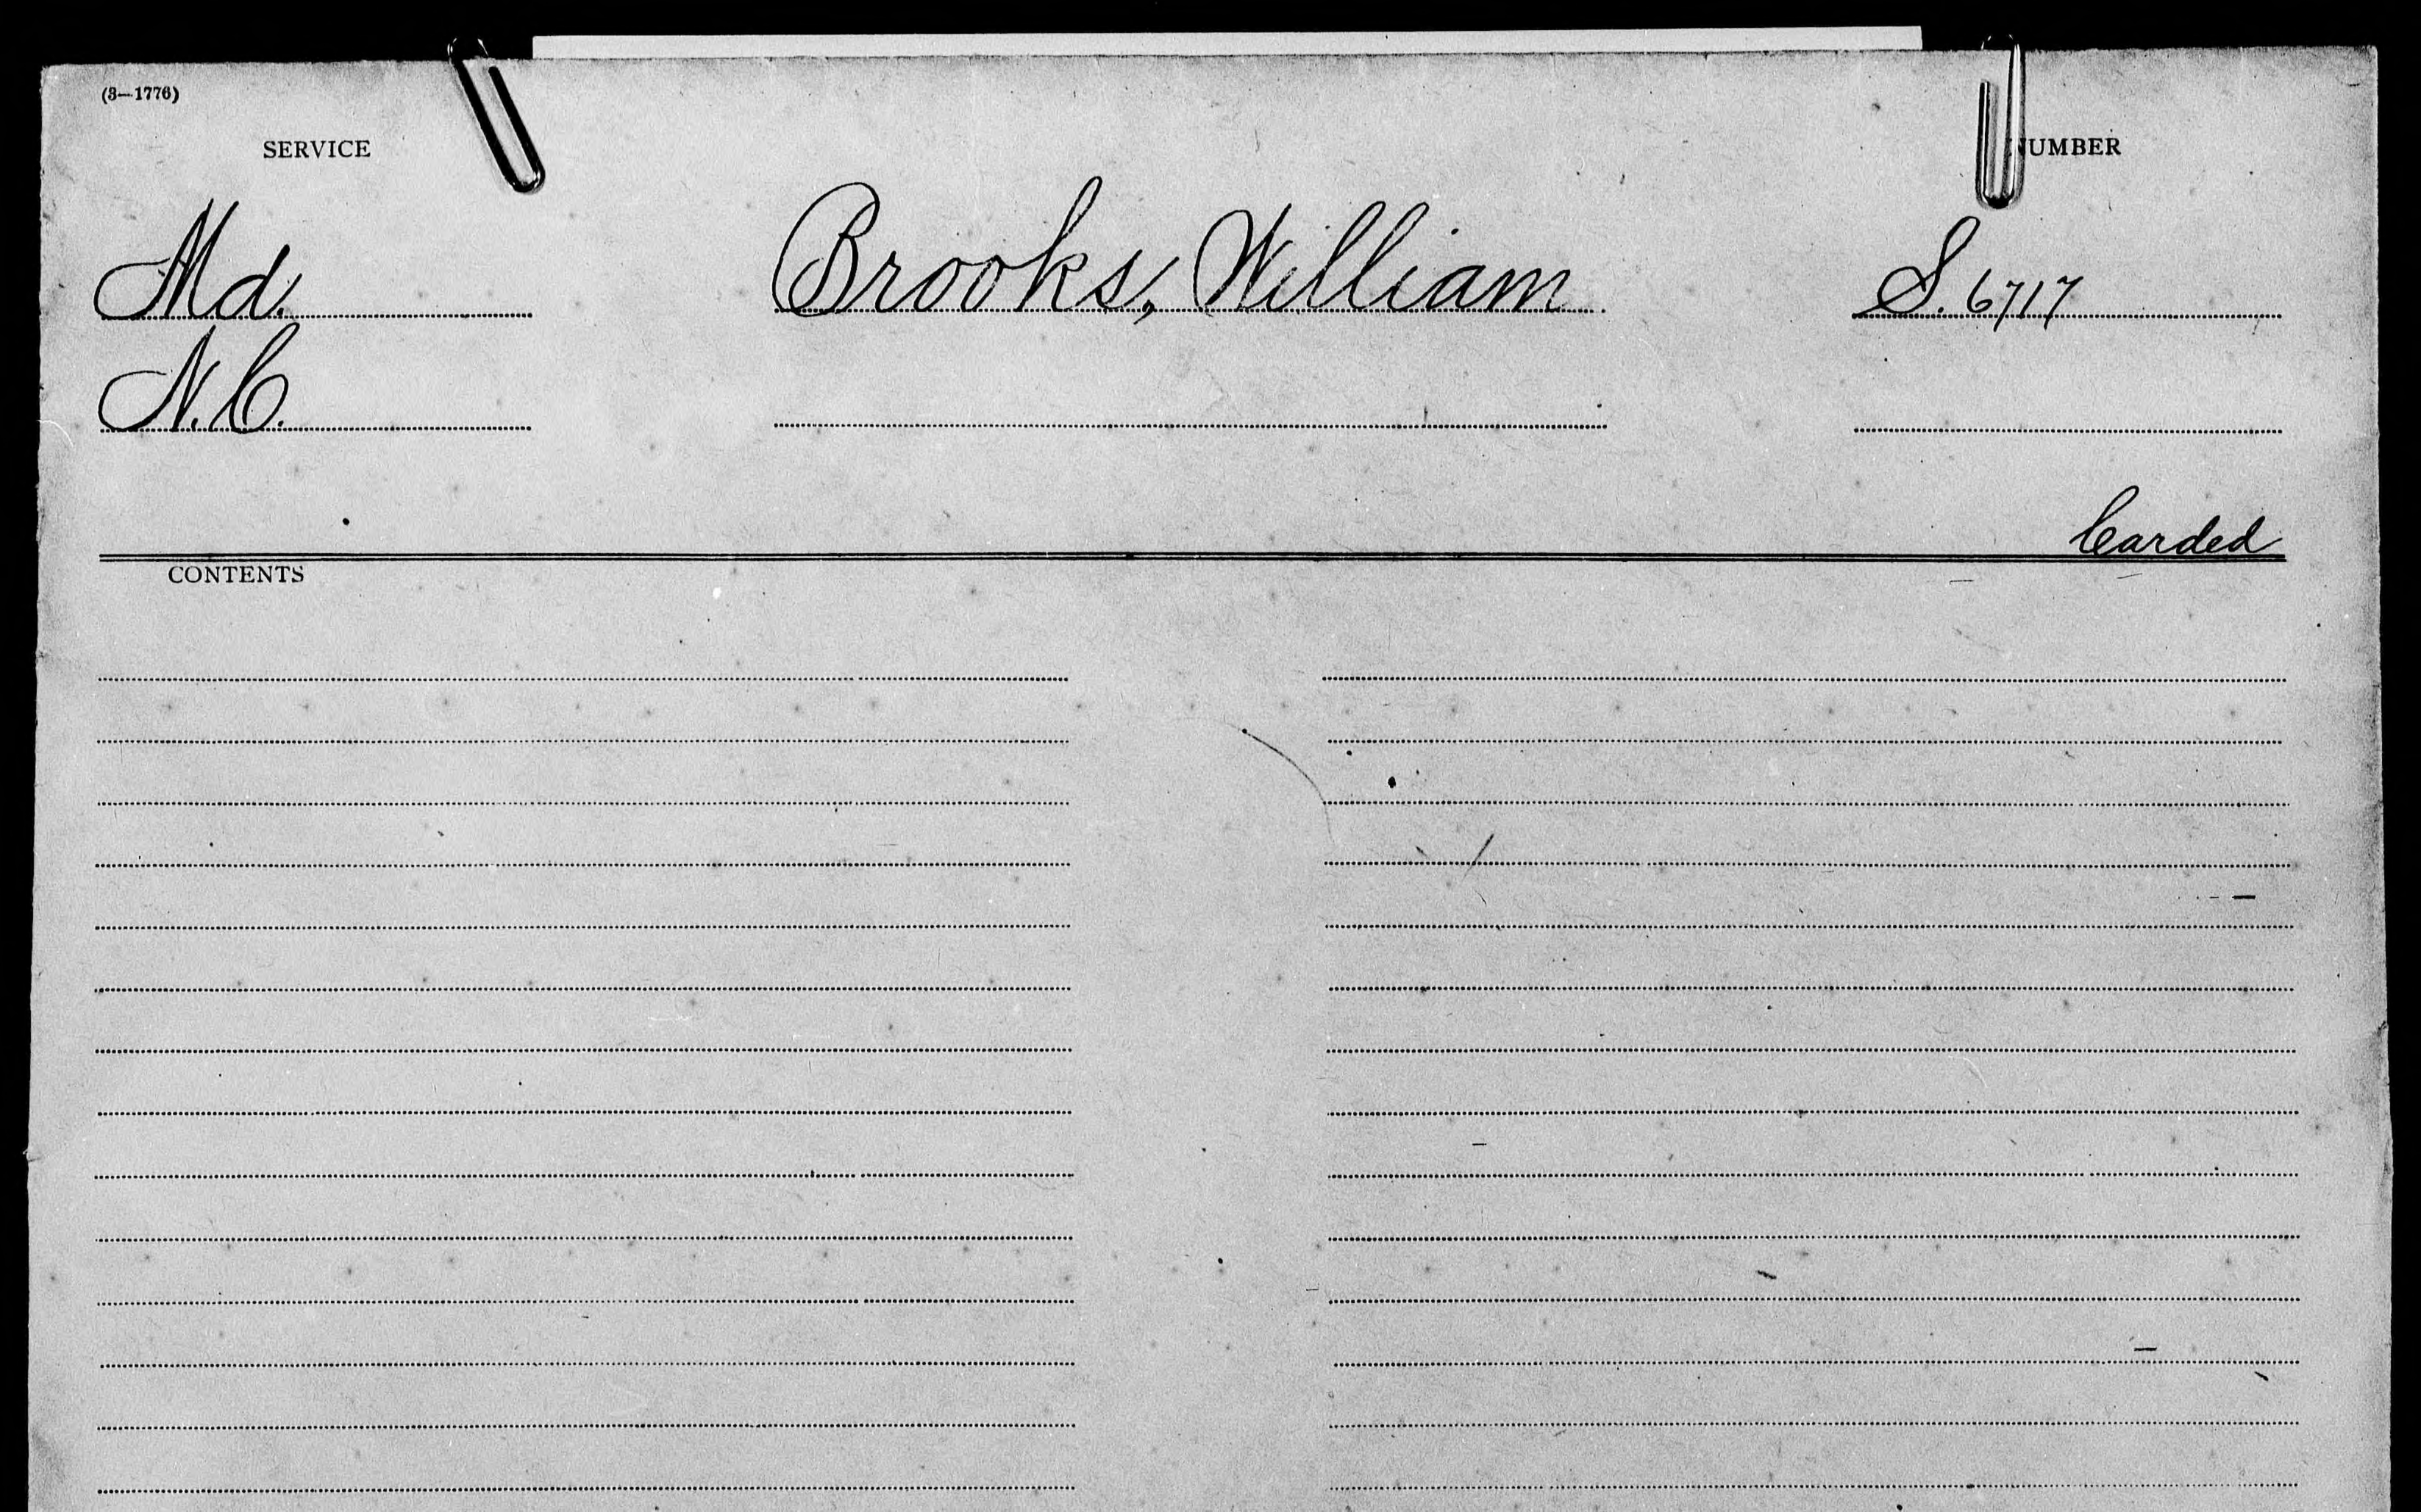[typed form, with handwritten responses]
(3-1776)
SERVICE NUMBER
Md. Brooks, William S. 6717
N.C
__________________________________________________________leaded (?)
CONTENTS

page: 1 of 17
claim: survivor's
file: S. 6717, William Brooks, Md. N.C.